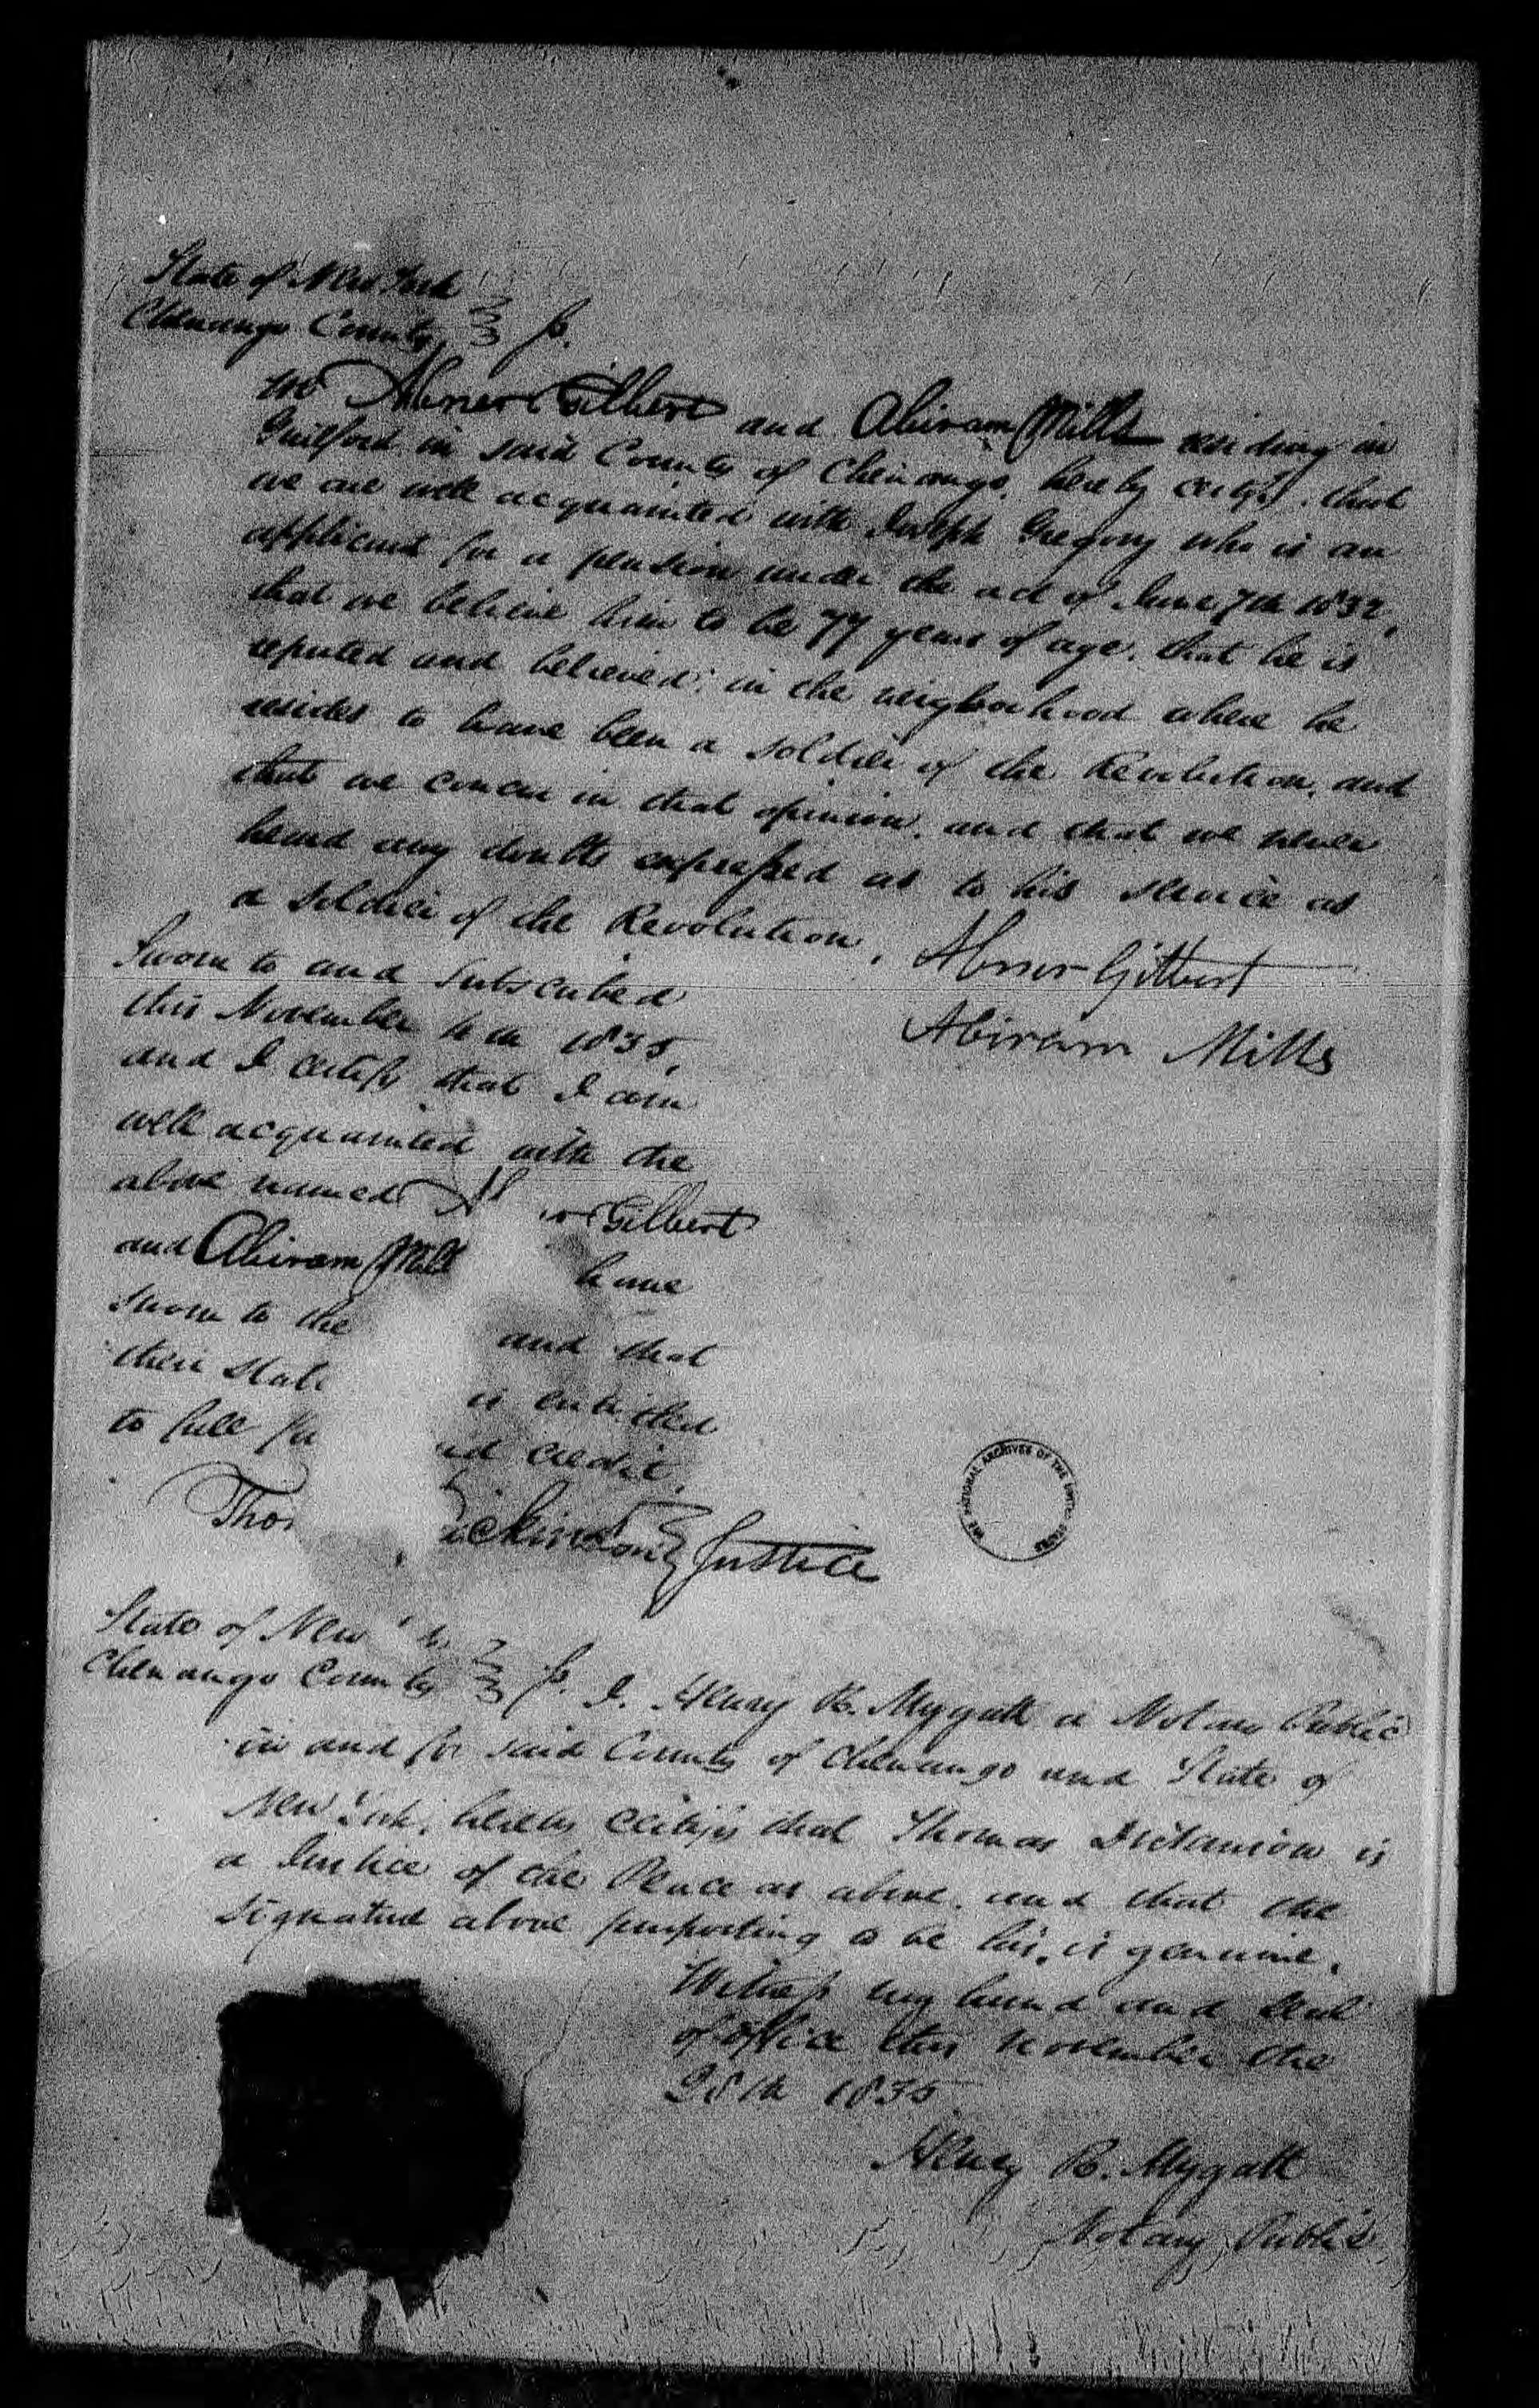State of New York
Chenango County}Ss.
We Abner Gilbert and Abiram Mills residing in Guilford in said county of Chenango, hereby [illegible] that we are well acquainted with Joseph Gregory who is an applicant for a pension under the act of June 7th 1832, that we believe him to be 77 years of age, that he is reputed and believed in the neighborhood where he resides to have been a soldier of the Revolution, and that we concur in that opinion, and that we never heard any doubt expressed as to his service as a soldier of the Revolution.
Abner Gilbert
Abiram Mills

Sworn to and subscribed this November 4 in 1835, and I certify that I am well acquainted with the above named Abner Gilbert and Abiram Mills who have sworn to the [cut off] and that their statements are entitled to full faith and credit.
Thomas Dickinson Justice

State of New York
Chenango County}Ss. I, Henry R Mygatt a Notary Public in and for said County of Chenango and state of New York, hereby certifies that Thomas Dickinson is a Justice of the Peace as above, and that the signature above purporting to be his is genuine.
Witness my hand and seal of office this November the 25th 1835.
Henry R. Mygatt
Notary Public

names: Henry R Mygatt, Abiram Mills, Abner Gilbert, Thomas Dickinson, Henry R Mygatt, Joseph Gregory, Thomas Dickinson, Abiram Mills, Abner Gilbert, Abner Gilbert, Abiram Mills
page: 12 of 34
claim: widow's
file: W. 1596, Joseph Gregory, Conn.